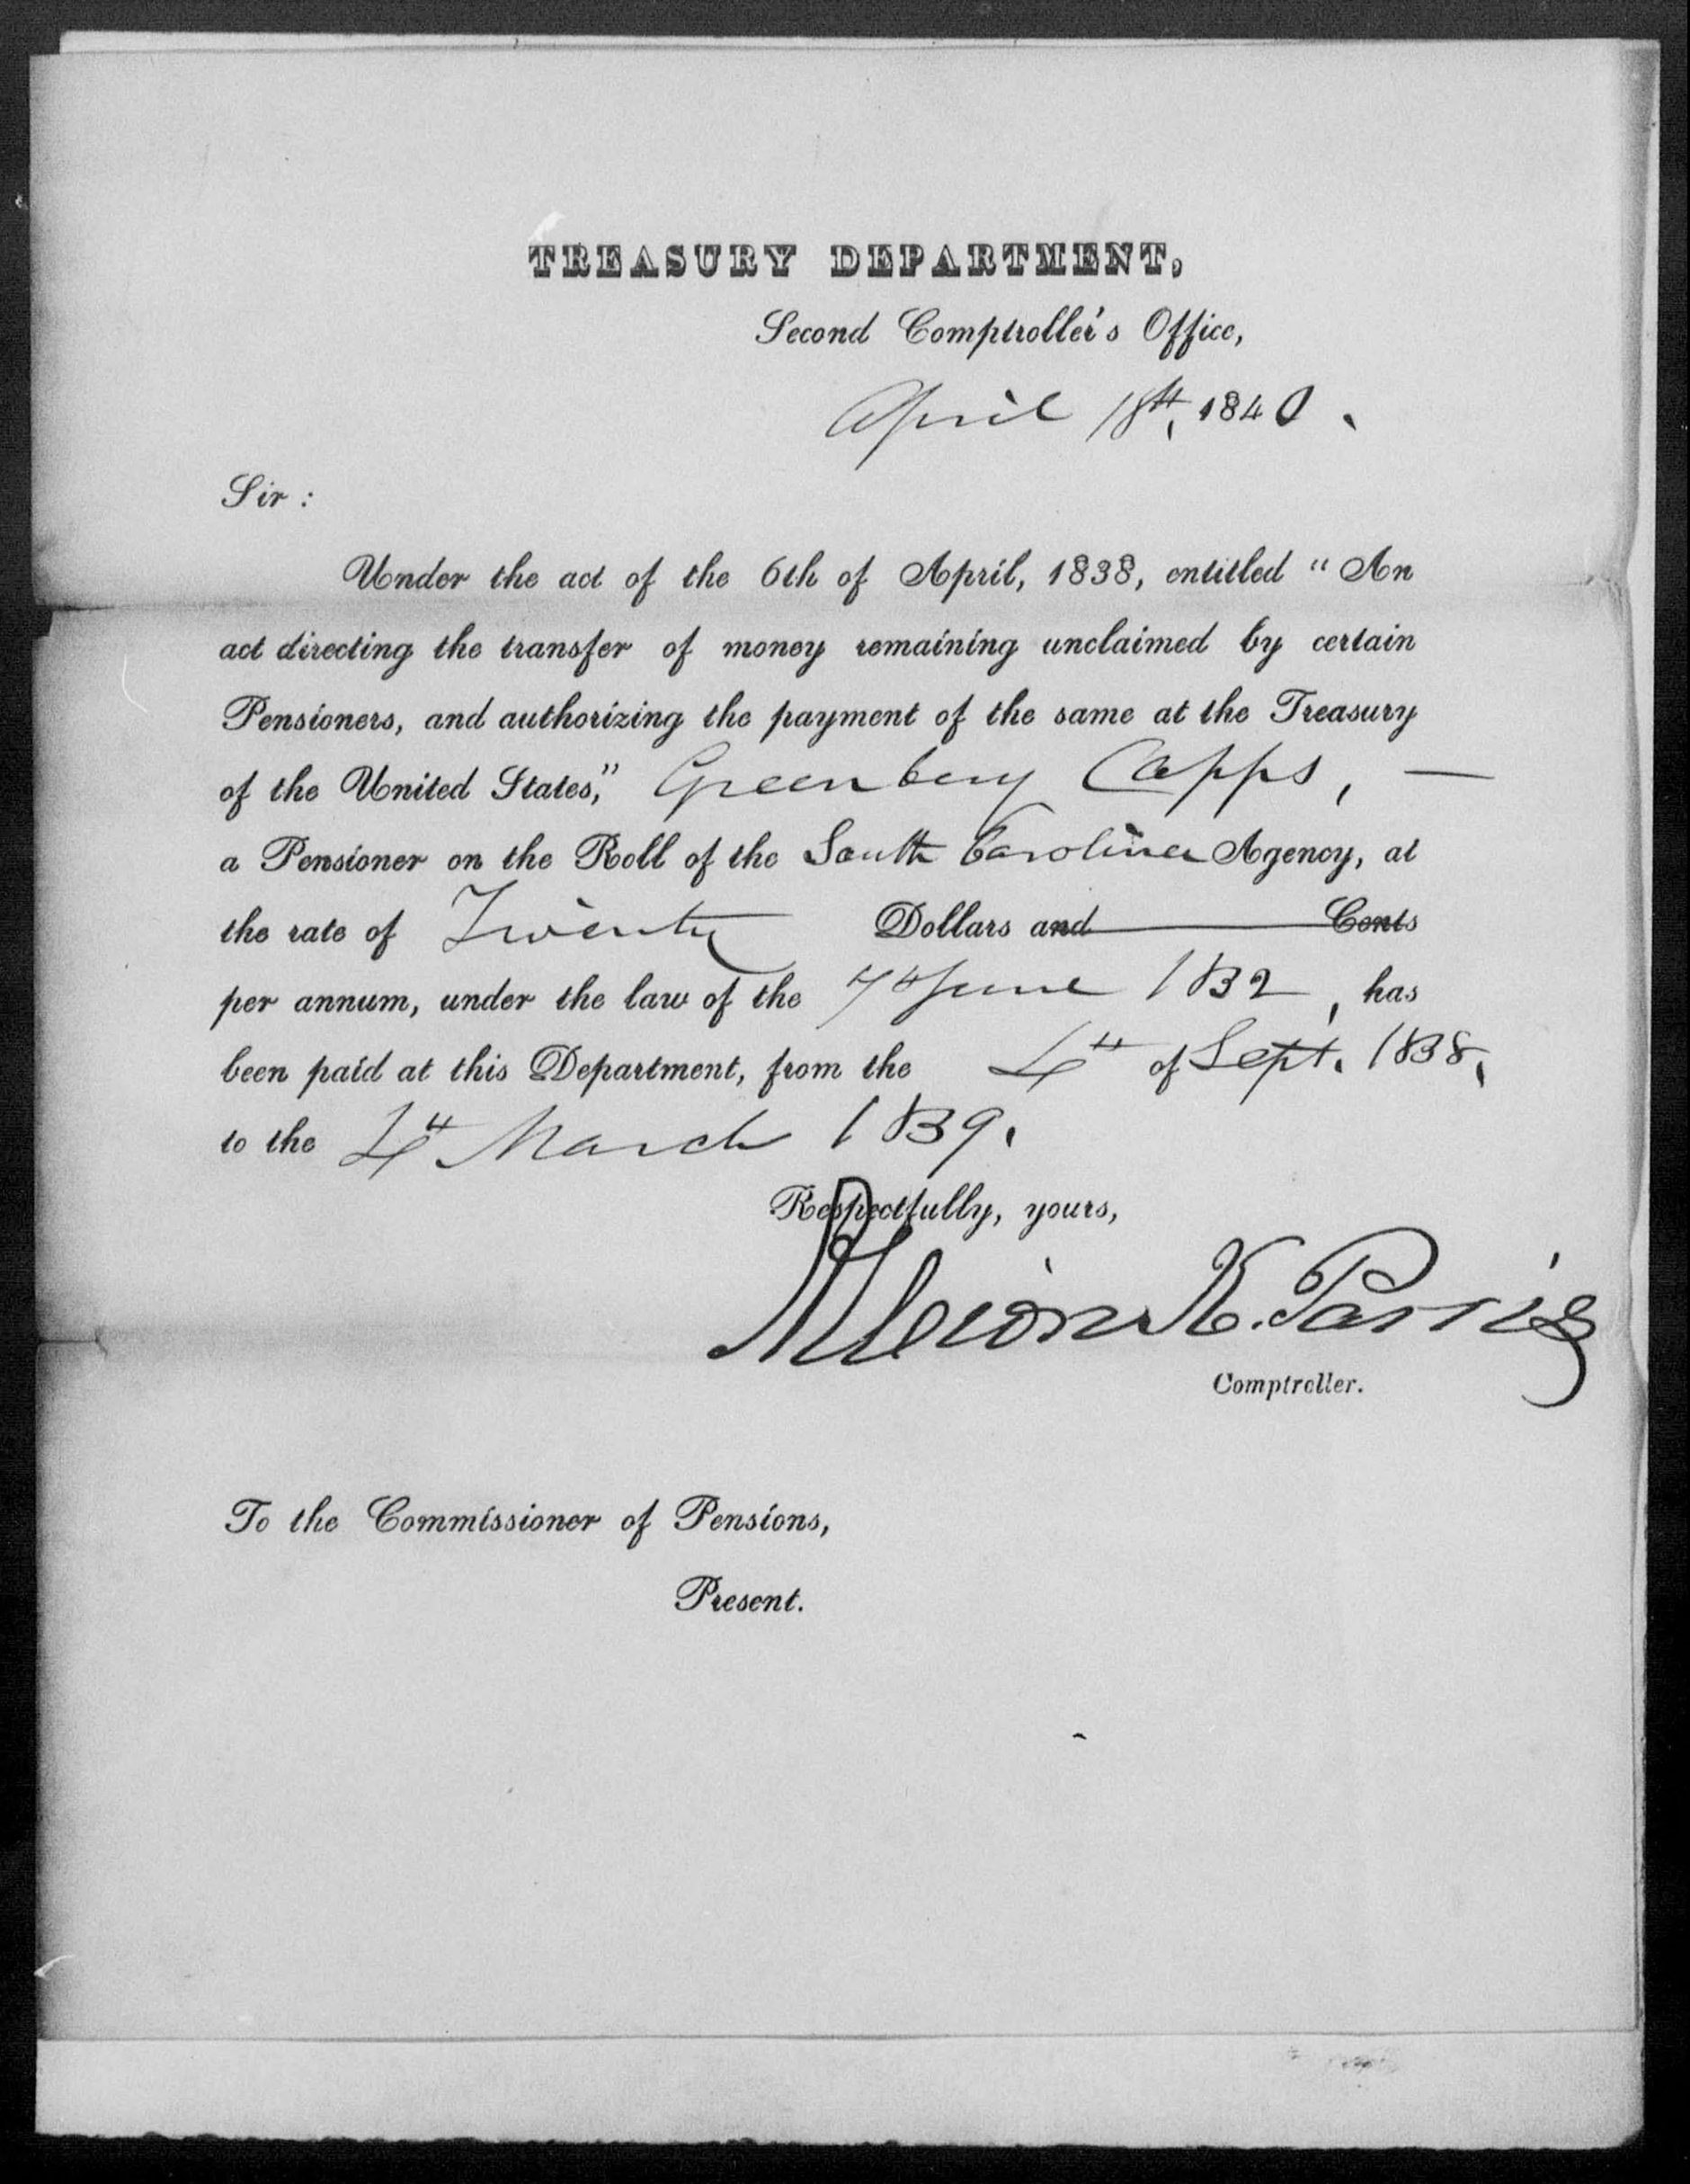TREASURY DEPARTMENT,
Second Comptroller's Office
April 18th, 1840,

Sir:

Under the act of the 6th of April, 1838, entitled "An act directing the transfer of money remaining unclaimed by certain
Pensioners, and authorizing the payment of the same at the Treasury of the United States," Greenbery Capps, a Pensioner on the Roll of the South Carolina Agency, at the rate of Twenty Dollars and _____ Cents per annum, under the law of the 7th June 1832, has been paid at this Department, from the 4th of Sept. 1838, to the 4th of March 1839.

Respectfully, yours,

Albion K. Parris
Comptroller.

To the Commissioner of Pensions,

Present.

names: Greenbery Capps, Albion K Parris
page: 16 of 26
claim: survivor's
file: S. 21105, Greenbery Caps, S.C.